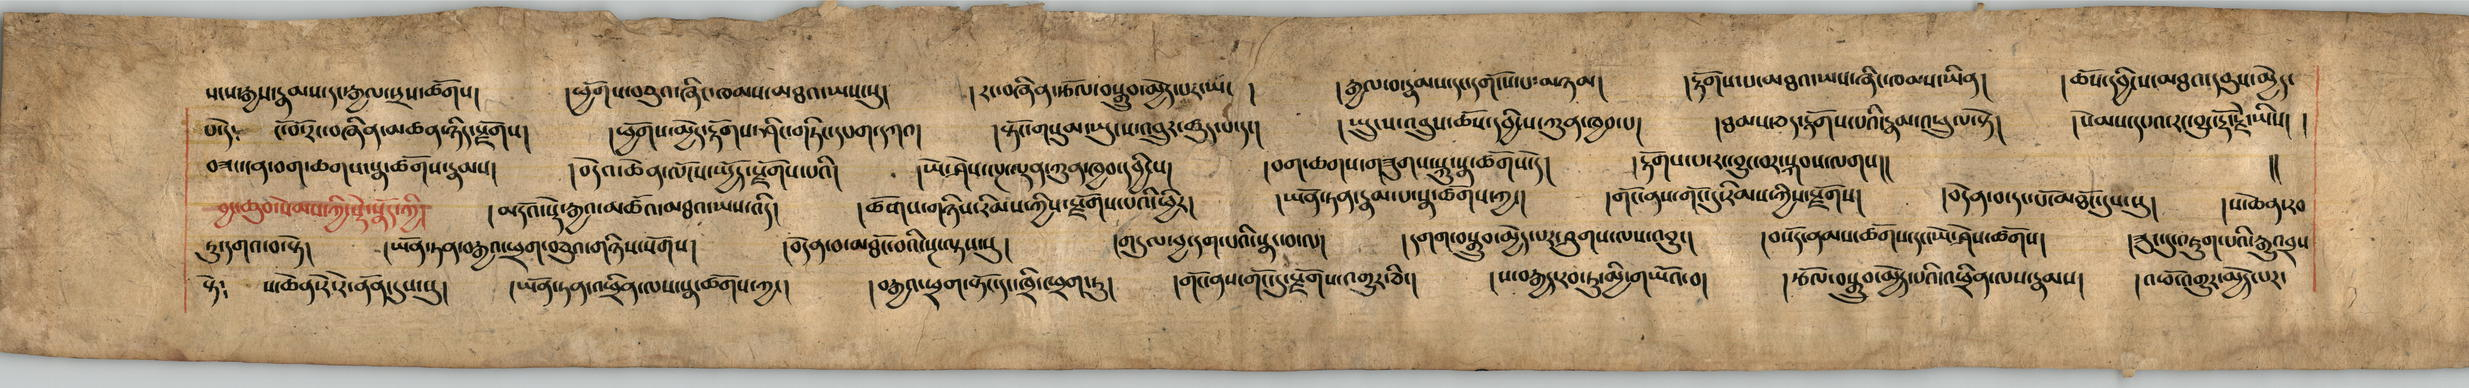སངས་རྒྱས་རྣམས་དང་རྒྱལ་སྲས་ཚོགས། །ཕྱོགས་བཅུའ་ཞིང་ཁམས་མཐའ་ཡས་སུ། །རང་བཞཱིན་རྩོལ་བསྒྲུབ་མྱེད་པར་ཡང ། །རྒྱལ་བ་རྣམས་དང་དགོངས་པ་མཉམ། །རྟོགས་པ་མཐའ་ཡས་ཞིང་ཁམས་ཡིན། །ཆོས་དབྱིངས་མཐའ་དབུས་མྱེད་
པ་དེ༴ ངོ་བོ་རང་བཞིན་མཚན་ཉིད་སྫོགས། །ཕྱོགས་མྱེད་རྟོགས་ཤིང་གཏིང་དཔག་དཀའ། །སྟོང་གསུམ་ཡུངས་འབྲུར་ཚུད་པ་དང། །སྤྲུངས་འབྲུས་ཆོས་དབྱིངས་ཀུན་ཁྱབ་པ། །ཐམས་ཅད་རྟོགས་པའི་རྣམ་འཕྲུལ་སྟེ། །སེམས་དཔའ་རང་བྱུང་རྡོ་རྗེ་ཡིས། །
བཟང་ངན་བག་ཆགས་སྣ་ཚོགས་རྣམས། །བདེའ་ཆེན་ལོངས་སྤྱོད་སྫོགས་པའི། །ཡེ་ཤེས་ལྔ་ལྡན་ཀུན་ཁྱབ་དབྱིངས། །བག་ཆགས་གཟུགས་སྐུ་སྣ་ཚོགས་དེ། །རྟོགས་པ་རང་བྱུང་བར་སྐབས་ལགས།།
བྱང་ཆུབ་སེམས་ཀྱི་སྡེ་སྣོད་ཀྱི། །མདོའ་སྡེ་རྒྱའ་མཚོའ་མཐའ་ཡས་འདི། །ཚོགས་གཉིས་རིམས་ཀྱིས་སྫོགས་པའི་ཕྱིར། །ཡོན་ཏན་རྣམ་པ་སྣ་ཚོགས་ཀྱང། །གོང་ནས་གོང་དུ་རིམས་ཀྱིས་སྫོགས། །བདེན་བ་དང་པོ་མཐོང་དུས་སུ། །ས་ཆེན་རབ
ཏུ་དགའ་བ་སྟེ། །ཡོན་ཏན་བརྒྱའ་ཕྲག་བཅུའ་གཉིས་སོགས། །བདེན་བ་མཐོང་བའི་སྔ་ལྟས་སུ། །གདུལ་བྱ་དག་པའི་སྣང་བ་ལ། །དགག་བསྒྲུབ་མྱེད་པར་ཤུགས་ལས་འབྱུང། །བསོད་ནམས་ཚོགས་དང་ཡེ་ཤེས་ཚོགས། །ཟུང་དུ་འཇུག་པའི་རྒྱུ་འབྲས
སྟེ༴ ས་ཆེན་རེ་རེ་ནོན་དུས་སུ། །ཡོན་ཏན་འཕྲིན་ལས་སྣ་ཚོགས་ཀྱང། །བརྒྱའ་ཕྲག་སྟོང་དང་ཁྲི་ཕྲག་ཏུ། །གོང་ནས་གོང་དུ་སྫོགས་འགྱུར་ཅིང། །ས་བརྒྱད་རབ་ཏུ་མྱི་གཡོའ་བ། །རྩོལ་བསྒྲུབ་མྱེད་པའི་འཕྲིན་ལས་རྣམས། །འཕོ་འགཡུར་མྱེད་པར་